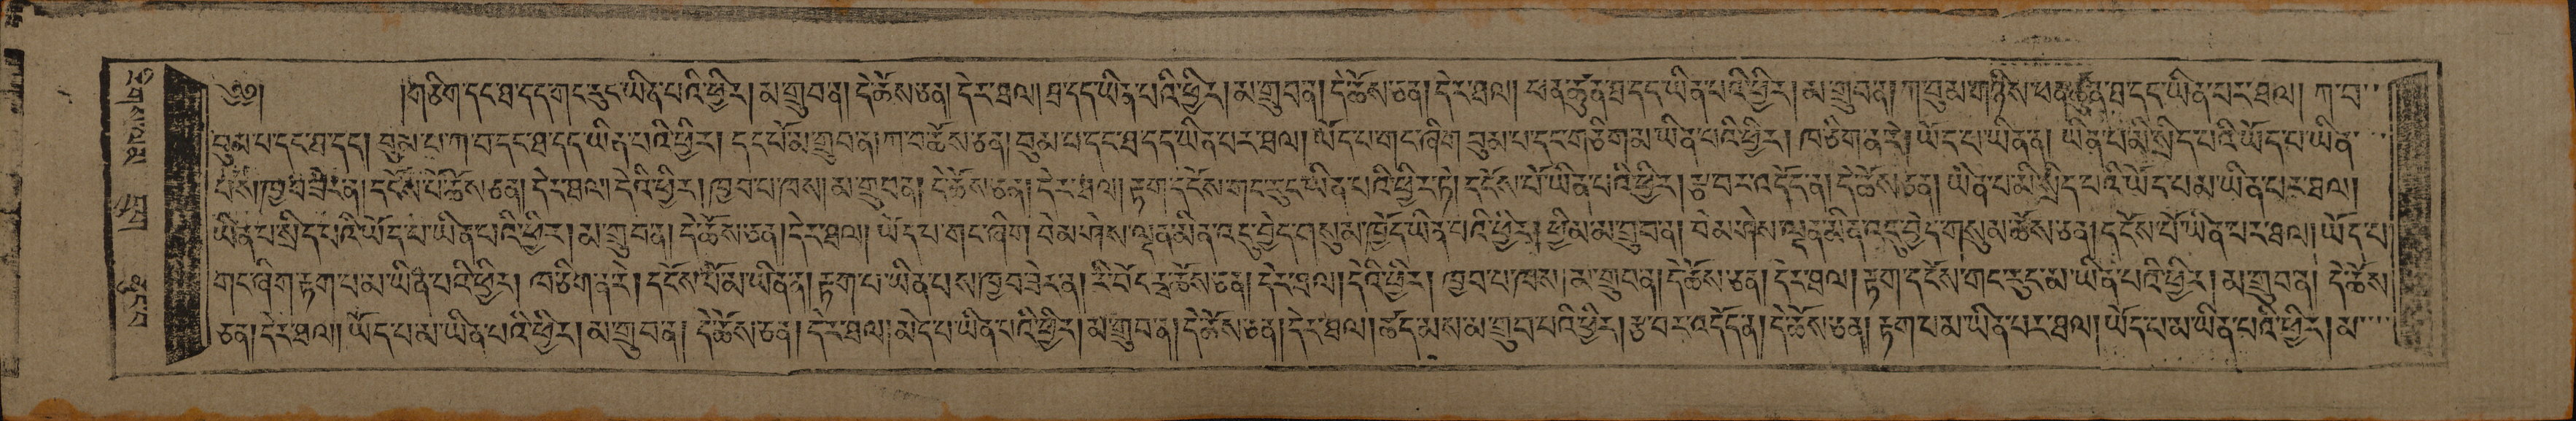༄༅། །གཅིག་དང་ཐ་དད་གང་རུང་ཡིན་པའི་ཕྱིར། མ་གྲུབ་ན། དེ་ཆོས་ཅན། དེར་ཐལ། ཐ་དད་ཡིན་པའི་ཕྱིར། མ་གྲུབ་ན། དེ་ཆོས་ཅན། དེར་ཐལ། ཕན་ཚུན་ཐ་དད་ཡིན་པའི་ཕྱིར། མ་གྲུབ་ན། ཀ་བུམ་གཉིས་ཕན་ཚུན་ཐ་དད་ཡིན་པར་ཐལ། ཀ་བ་
བུམ་པ་དང་ཐ་དད། བུམ་པ་ཀ་བ་དང་ཐ་དད་ཡིན་པའི་ཕྱིར། དང་པོ་མ་གྲུབ་ན། ཀ་བ་ཆོས་ཅན། བུམ་པ་དང་ཐ་དད་ཡིན་པར་ཐལ། ཡོད་པ་གང་ཞིག་བུམ་པ་དང་གཅིག་མ་ཡིན་པའི་ཕྱིར། ཁ་ཅིག་ན་རེ། ཡོད་པ་ཡིན་ན། ཡིན་པ་མི་སྲིད་པའི་ཡོད་པ་ཡིན་
པས་ཁྱབ་ཟེར་ན། དངོས་པོ་ཆོས་ཅན། དེར་ཐལ། དེའི་ཕྱིར། ཁྱབ་པ་ཁས། མ་གྲུབ་ན། དེ་ཆོས་ཅན། དེར་ཐལ། རྟག་དངོས་གང་རུང་ཡིན་པའི་ཕྱིར་ཏེ། དངོས་པོ་ཡིན་པའི་ཕྱིར། རྩ་བར་འདོད་ན། དེ་ཆོས་ཅན། ཡིན་པ་མི་སྲིད་པའི་ཡོད་པ་མ་ཡིན་པར་ཐལ།
ཡིན་པ་སྲིད་པའི་ཡོད་པ་ཡིན་པའི་ཕྱིར། མ་གྲུབ་ན། དེ་ཆོས་ཅན། དེར་ཐལ། ཡོད་པ་གང་ཞིག་བེམ་ཤེས་ལྡན་མིན་འདུ་བྱེད་གསུམ་ཁྱོད་ཡིན་པའི་ཕྱིར། ཕྱི་མ་མ་གྲུབ་ན། བེམ་ཤེས་ལྡན་མིན་འདུ་བྱེད་གསུམ་ཆོས་ཅན། དངོས་པོ་ཡིན་པར་ཐལ། ཡོད་པ་
གང་ཞིག་རྟག་པ་མ་ཡིན་པའི་ཕྱིར། ཁ་ཅིག་ན་རེ། དངོས་པོ་མ་ཡིན་ན། རྟག་པ་ཡིན་པས་ཁྱབ་ཟེར་ན། རི་བོང་རྭ་ཆོས་ཅན། དེར་ཐལ། དེའི་ཕྱིར། ཁྱབ་པ་ཁས། མ་གྲུབ་ན། དེ་ཆོས་ཅན། དེར་ཐལ། རྟག་དངོས་གང་རུང་མ་ཡིན་པའི་ཕྱིར། མ་གྲུབ་ན། དེ་ཆོས་
ཅན། དེར་ཐལ། ཡོད་པ་མ་ཡིན་པའི་ཕྱིར། མ་གྲུབ་ན། དེ་ཆོས་ཅན། དེར་ཐལ། མེད་པ་ཡིན་པའི་ཕྱིར། མ་གྲུབ་ན། དེ་ཆོས་ཅན། དེར་ཐལ། ཚད་མས་མ་གྲུབ་པའི་ཕྱིར། རྩ་བར་འདོད་ན། དེ་ཆོས་ཅན། རྟག་པ་མ་ཡིན་པར་ཐལ། ཡོད་པ་མ་ཡིན་པའི་ཕྱིར། མ་